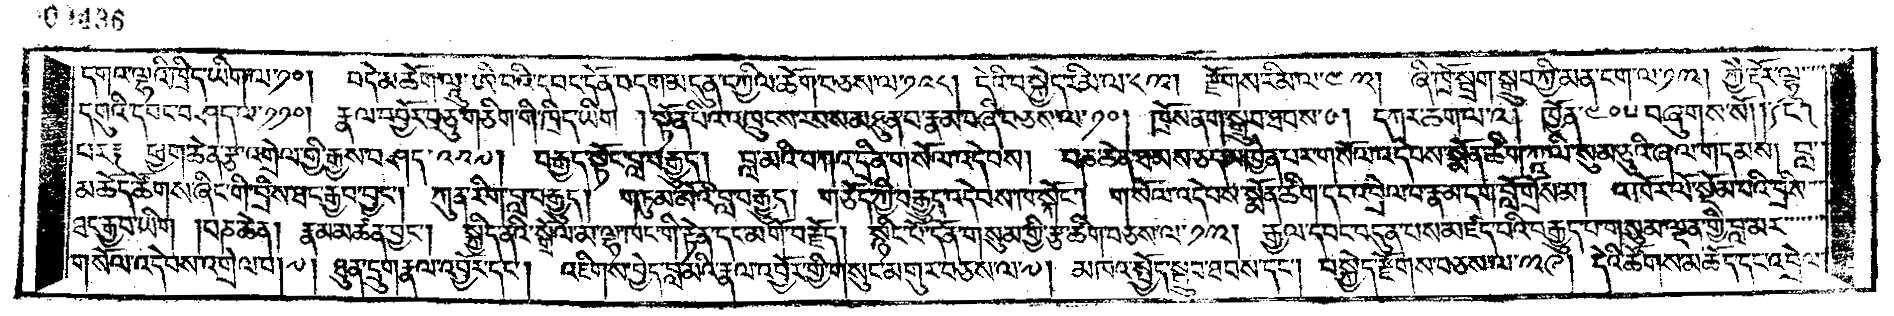དགའ་ལྷའི་ཁྲིད་ཡིག་ལ༡༠། བདེ་མཆོག་ལཱུ་ཨི་བའི་དབང་དོན་བདག་མདུན་དཀྱིལ་ཆོག་བཅས་ལ ༡༢༨། དེའི་བསྐྱེད་རིམ་ལ ༨༣། རྫོགས་རིམ་ལ ༤༣། ཞི་ཁྲོ་སྦྲག་སྒྲུབ་ཀྱི་མན་ངག་ལ ༡༣། ཀྱཻ་རྡོར་ཁ་
དགུའི་དབང་བཤད་ལ ༡༡༠། རྣལ་འབྱོར་བཅུ་གཅིག་གི་ཁྲིད་ཡིག །སྟོན་པའི་འཁྲུངས་རབས་མཐུན་པ་རྣམ་བཞི་བཅས་ལ ༡༠། ཁྲོས་ནག་སྒྲུབ་ཐབས ༦། དཀར་ཆག་ལ༢། ཁྱོན ༤༠༥་བཞུགས་སོ། །༼ང༽
པར༑ ཕྱག་ཆེན་རྩ་འགྲེལ་གྱི་རྒྱས་བཤད ༢༢༧། བརྒྱད་སྟོང་བླ་བརྒྱུད། བླ་མའི་བཀའ་དྲིན་གསོལ་འདེབས། པཎ་ཆེན་ཐམས་ཅད་མཁྱེན་པར་གསོལ་འདེབས་སྨོན་ཚིག་ཀཱ་ལི་སུམ་ཅུའི་ཞལ་གདམས། བླ་
མཆོད་ཚོགས་ཞིང་གི་བྲིས་ཐང་རྒྱབ་བྱང་། ཀུན་རིག་བླ་བརྒྱུད། གཏུམ་མོའི་བླ་བརྒྱུད། གཅོད་ཀྱི་བརྒྱུད་འདེབས་ཁ་སྐོང་། གསོལ་འདེབས་སྨོན་ཚིག་དང་འབྲེལ་བ་རྣམ་དག་བློ་གྲོས་མ། འཁོར་ལོ་སྡོམ་པའི་བྲིས་
ཐང་རྒྱབ་ཡིག །པཎ་ཆེན། རྣམ་མཚན་བྱང་། སྐྱིད་ནའི་སྒྲོལ་མ་ལྷ་ཁང་གི་རྟེན་དང་མགོ་བརྗོད། སྙིང་པོ་དོན་གསུམ་གྱི་རྩ་ཚིག་བཅས་ལ ༡༣། རྒྱལ་དབང་བདུན་པས་མཛད་པའི་བརྒྱུད་པ་གསུམ་ལྡན་གྱི་བླ་མར་
གསོལ་འདེབས་འགྲེལ་བ། ༧། ཐུན་དྲུག་རྣལ་འབྱོར་དང་། འཇིགས་བྱེད་བླ་མའི་རྣལ་འབྱོར་གྱི་གསུང་མགུར་བཅས་ལ༧། མཁའ་སྤྱོད་སྒྲུབ་ཐབས་དང་། བསྐྱེད་རྫོགས་བཅས་ལ ༣༩། དེའི་ཚོགས་མཆོད་དང་འབྲེལ་